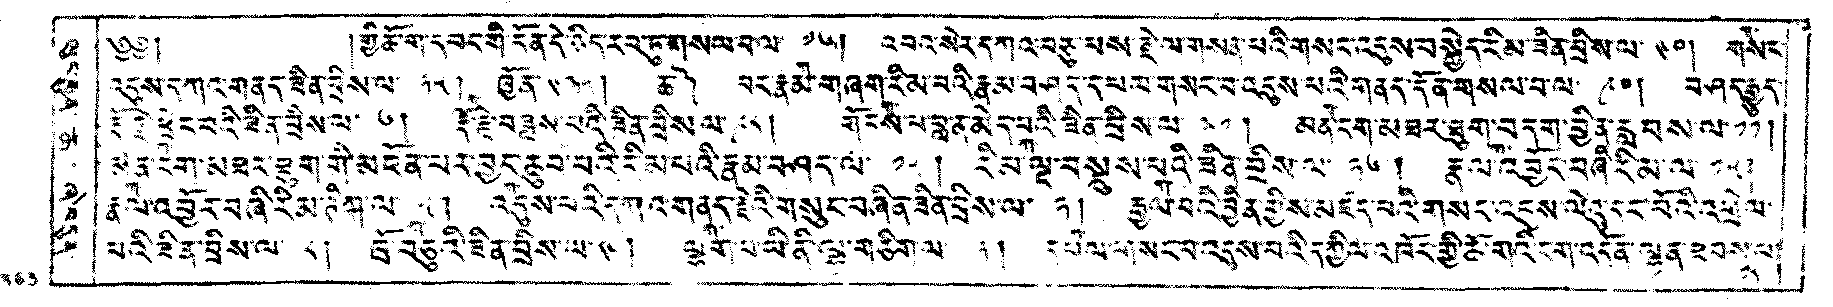༄༅། །གྱི་ཆོ་ག་དབང་གི་དོན་དེ་ཉིད་རབ་ཏུ་གསལ་བ་ལ ༧༦། འབའ་སེར་དཀའ་བཅུ་པས་རྗེ་ལ་གསན་པའི་གསང་འདུས་བསྐྱེད་རིམ་ཟིན་བྲིས་ལ ༤༠། ཀ་གསང་
འདུས་དཀའ་གནད་ཟིན་བྲིས་ལ ༢༥། ཁྱོན ༤༣༥། ཆ}་ཀ་པར་རྣམ་གཞག་རིམ་པའི་རྣམ་བཤད་དཔལ་གསང་བ་འདུས་པའི་གནད་དོན་གསལ་བ་ལ ༩༠། བཤད་རྒྱུད་
རྡོ་རྗེ་ཕྲེང་བའི་ཟིན་བྲིས་ལ ༦། ཀ་རྡོ་རྗེ་བཟླས་པའི་ཟིན་བྲིས་ལ ༩༨། ཀ་དགོངས་པ་བླ་ན་མེད་པའི་ཟིན་བྲིས་ལ ༣༡། ཀ་མན་ངག་མཐར་ཐུག་བདག་བྱིན་རླབས་ལ ༡༡།
ཀ་མན་ངག་མཐར་ཐུག་གི་མངོན་པར་བྱང་ཆུབ་པའི་རིམ་པའི་རྣམ་བཤད་ལ ༡༥། ཀ་རིམ་ལྔ་བསྡུས་པའི་ཟིན་བྲིས་ལ ༢༦། ཀ་རྣལ་འབྱོར་བཞི་རིམ་ལ ༡༥།
ཀ་རྣལ་འབྱོར་བཞི་རིམ་ཊིཀྐ་ལ ༥། ཀ་འདུས་པའི་དཀའ་གནད་རྗེའི་གསུང་བཞིན་ཟིན་བྲིས་ལ ༢། རྒྱལ་བའི་བྱིན་གྱིས་མཛད་པའི་གསང་འདུས་ལེའུ་དང་པོའི་འགྲེལ་
པའི་ཟིན་བྲིས་ལ ༨། ཀ་ཁྲོ་བཅུའི་ཟིན་བྲིས་ལ ༤། ཀ་ལྷག་པ་ཡི་ནི་ལྷ་གཅིག་ལ ༢། ཀ་དཔལ་གསང་བ་འདུས་པའི་དཀྱིལ་འཁོར་གྱི་ཆོ་གའི་ངག་འདོན་ལྷན་ཐབས་ལ ༡༨།